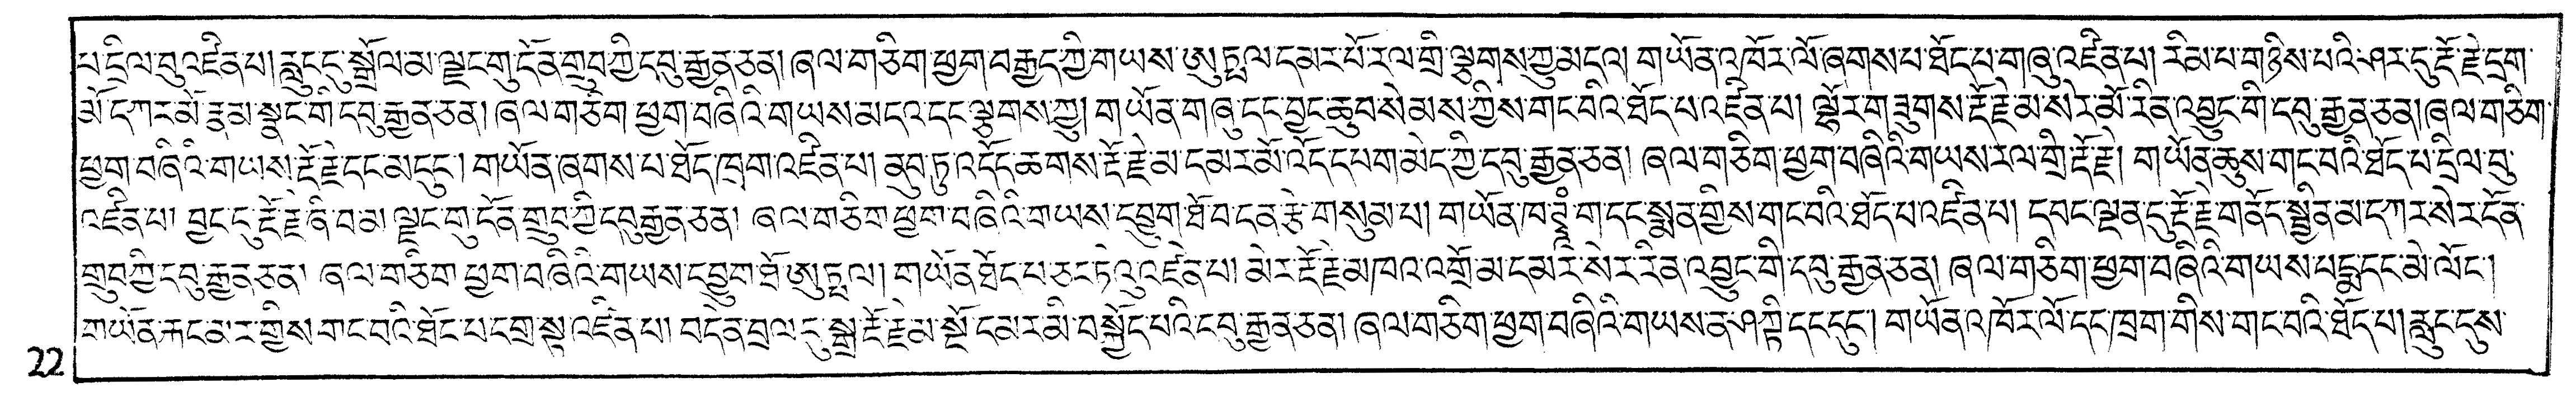པ་དྲིལ་བུ་འཛིན་པ། རླུང་དུ་སྒྲོལ་མ་ལྗང་གུ་དོན་གྲུབ་ཀྱི་དབུ་རྒྱན་ཅན། ཞལ་གཅིག་ཕྱག་བརྒྱད་ཀྱི་གཡས་ཨུཏྤལ་དམར་པོ་རལ་གྲི་ལྕགས་ཀྱུ་མདའ། གཡོན་འཁོར་ལོ་ཞགས་པ་ཐོད་པ་གཞུ་འཛིན་པ། རིམ་པ་གཉིས་པའི་ཤར་དུ་རྡོ་རྗེ་དྲག་
མོ་དཀར་མོ་རྣམ་སྣང་གི་དབུ་རྒྱན་ཅན། ཞལ་གཅིག་ཕྱག་བཞིའི་གཡས་མདའ་དང་ལྕགས་ཀྱུ། གཡོན་གཞུ་དང་བྱང་ཆུབ་སེམས་ཀྱིས་གང་བའི་ཐོད་པ་འཛིན་པ། ལྷོར་གཟུགས་རྡོ་རྗེ་མ་སེར་མོ་རིན་འབྱུང་གི་དབུ་རྒྱན་ཅན། ཞལ་གཅིག་
ཕྱག་བཞིའི་གཡས་རྡོ་རྗེ་དང་མདུང་། གཡོན་ཞགས་པ་ཐོད་ཁྲག་འཛིན་པ། ནུབ་ཏུ་འདོད་ཆགས་རྡོ་རྗེ་མ་དམར་མོ་འོད་དཔག་མེད་ཀྱི་དབུ་རྒྱན་ཅན། ཞལ་གཅིག་ཕྱག་བཞིའི་གཡས་རལ་གྲི་རྡོ་རྗེ། གཡོན་ཆུས་གང་བའི་ཐོད་པ་དྲིལ་བུ་
འཛིན་པ། བྱང་དུ་རྡོ་རྗེ་ཞི་བ་མ་ལྗང་གུ་དོན་གྲུབ་ཀྱི་དབུ་རྒྱན་ཅན། ཞལ་གཅིག་ཕྱག་བཞིའི་གཡས་དབྱུག་ཐོ་བ་དན་རྩེ་གསུམ་པ། གཡོན་ཁ་ཊྭཱཾ་ག་དང་སྨན་གྱིས་གང་བའི་ཐོད་པ་འཛིན་པ། དབང་ལྡན་དུ་རྡོ་རྗེ་གནོད་སྦྱིན་མ་དཀར་སེར་དོན་
གྲུབ་ཀྱི་དབུ་རྒྱན་ཅན། ཞལ་གཅིག་ཕྱག་བཞིའི་གཡས་དབྱུག་ཐོ་ཨུཏྤལ། གཡོན་ཐོད་པ་ཅང་ཏེའུ་འཛིན་པ། མེར་རྡོ་རྗེ་མཁའ་འགྲོ་མ་དམར་སེར་རིན་འབྱུང་གི་དབུ་རྒྱན་ཅན། ཞལ་གཅིག་ཕྱག་བཞིའི་གཡས་པདམ་དང་མེ་ལོང་།
གཡོན་རྐང་མར་གྱིས་གང་བའི་ཐོད་པ་དགྲ་སྟ་འཛིན་པ། བདེན་བྲལ་དུ་སྒྲ་རྡོ་རྗེ་མ་སྔོ་དམར་མི་བསྐྱོད་པའི་དབུ་རྒྱན་ཅན། ཞལ་གཅིག་ཕྱག་བཞིའི་གཡས་ན་ཤཀྟི་དང་དུང་། གཡོན་འཁོར་ལོ་དང་ཁྲག་གིས་གང་བའི་ཐོད་པ། རླུང་དུས་